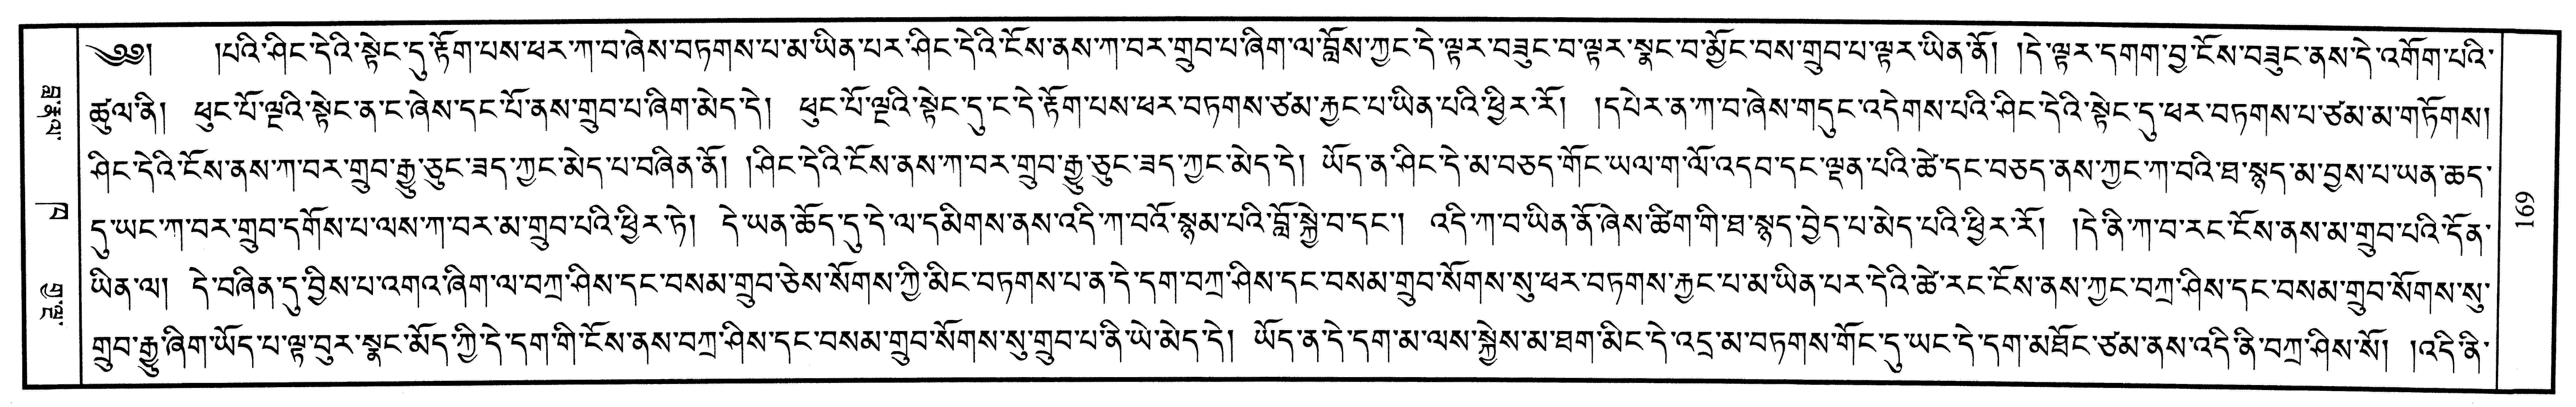༄༅། །པའི་ཤིང་དེའི་སྟེང་དུ་རྟོག་པས་ཕར་ཀ་བ་ཞེས་བཏགས་པ་མ་ཡིན་པར་ཤིང་དེའི་ངོས་ནས་ཀ་བར་གྲུབ་པ་ཞིག་ལ་བློས་ཀྱང་དེ་ལྟར་བཟུང་བ་ལྟར་སྣང་བ་མྱོང་བས་གྲུབ་པ་ལྟར་ཡིན་ནོ། །དེ་ལྟར་དགག་བྱ་ངོས་བཟུང་ནས་དེ་འགོག་པའི་
ཚུལ་ནི། ཕུང་པོ་ལྔའི་སྟེང་ན་ང་ཞེས་དང་པོ་ནས་གྲུབ་པ་ཞིག་མེད་དེ། ཕུང་པོ་ལྔའི་སྟེང་དུ་ང་དེ་རྟོག་པས་ཕར་བཏགས་ཙམ་རྐྱང་པ་ཡིན་པའི་ཕྱིར་རོ། །དཔེར་ན་ཀ་བ་ཞེས་གདུང་འདེགས་པའི་ཤིང་དེའི་སྟེང་དུ་ཕར་བཏགས་པ་ཙམ་མ་གཏོགས།
ཤིང་དེའི་ངོས་ནས་ཀ་བར་གྲུབ་རྒྱུ་ཅུང་ཟད་ཀྱང་མེད་པ་བཞིན་ནོ། །ཤིང་དེའི་ངོས་ནས་ཀ་བར་གྲུབ་རྒྱུ་ཅུང་ཟད་ཀྱང་མེད་དེ། ཡོད་ན་ཤིང་དེ་མ་བཅད་གོང་ཡལ་ག་ལོ་འདབ་དང་ལྡན་པའི་ཚེ་དང་བཅད་ནས་ཀྱང་ཀ་བའི་ཐ་སྙད་མ་བྱས་པ་ཡན་ཆད་
དུ་ཡང་ཀ་བར་གྲུབ་དགོས་པ་ལས་ཀ་བར་མ་གྲུབ་པའི་ཕྱིར་ཏེ། དེ་ཡན་ཆོད་དུ་དེ་ལ་དམིགས་ནས་འདི་དག་བཀྲ་ཤིས་དང་བསམ་གྲུབ་སོགས་སུ་ཕར་བཏགས་རྐྱང་པ་མ་ཡིན་པར་དེའི་ཚེ་རང་ངོས་ནས་ཀྱང་བཀྲ་ཤིས་དང་བསམ་གྲུབ་སོགས་སུ་
ཡིན་ལ། དེ་བཞིན་དུ་བྱིས་པ་འགའ་ཞིག་ལ་བཀྲ་ཤིས་དང་བསམ་གྲུབ་ཅེས་སོགས་ཀྱི་མིང་བཏགས་པ་ན་དེ་དག་བཀྲ་ཤིས་དང་བསམ་གྲུབ་སོགས་སུ་ཕར་བཏགས་རྐྱང་པ་མ་ཡིན་པར་དེའི་ཚེ་རང་ངོས་ནས་ཀྱང་བཀྲ་ཤིས་དང་བསམ་གྲུབ་སོགས་སུ་
གྲུབ་རྒྱུ་ཞིག་ཡོད་པ་ལྟ་བུར་སྣང་མོད་ཀྱི་དེ་དག་གི་ངོས་ནས་བཀྲ་ཤིས་དང་བསམ་གྲུབ་སོགས་སུ་གྲུབ་པ་ནི་ཡེ་མེད་དེ། ཡོད་ན་དེ་དག་མ་ལས་སྐྱེས་མ་ཐག་མིང་དེ་འདྲ་མ་བཏགས་གོང་དུ་ཡང་དེ་དག་མཐོང་ཙམ་ནས་འདི་ནི་བཀྲ་ཤིས་སོ། །འདི་ནི་